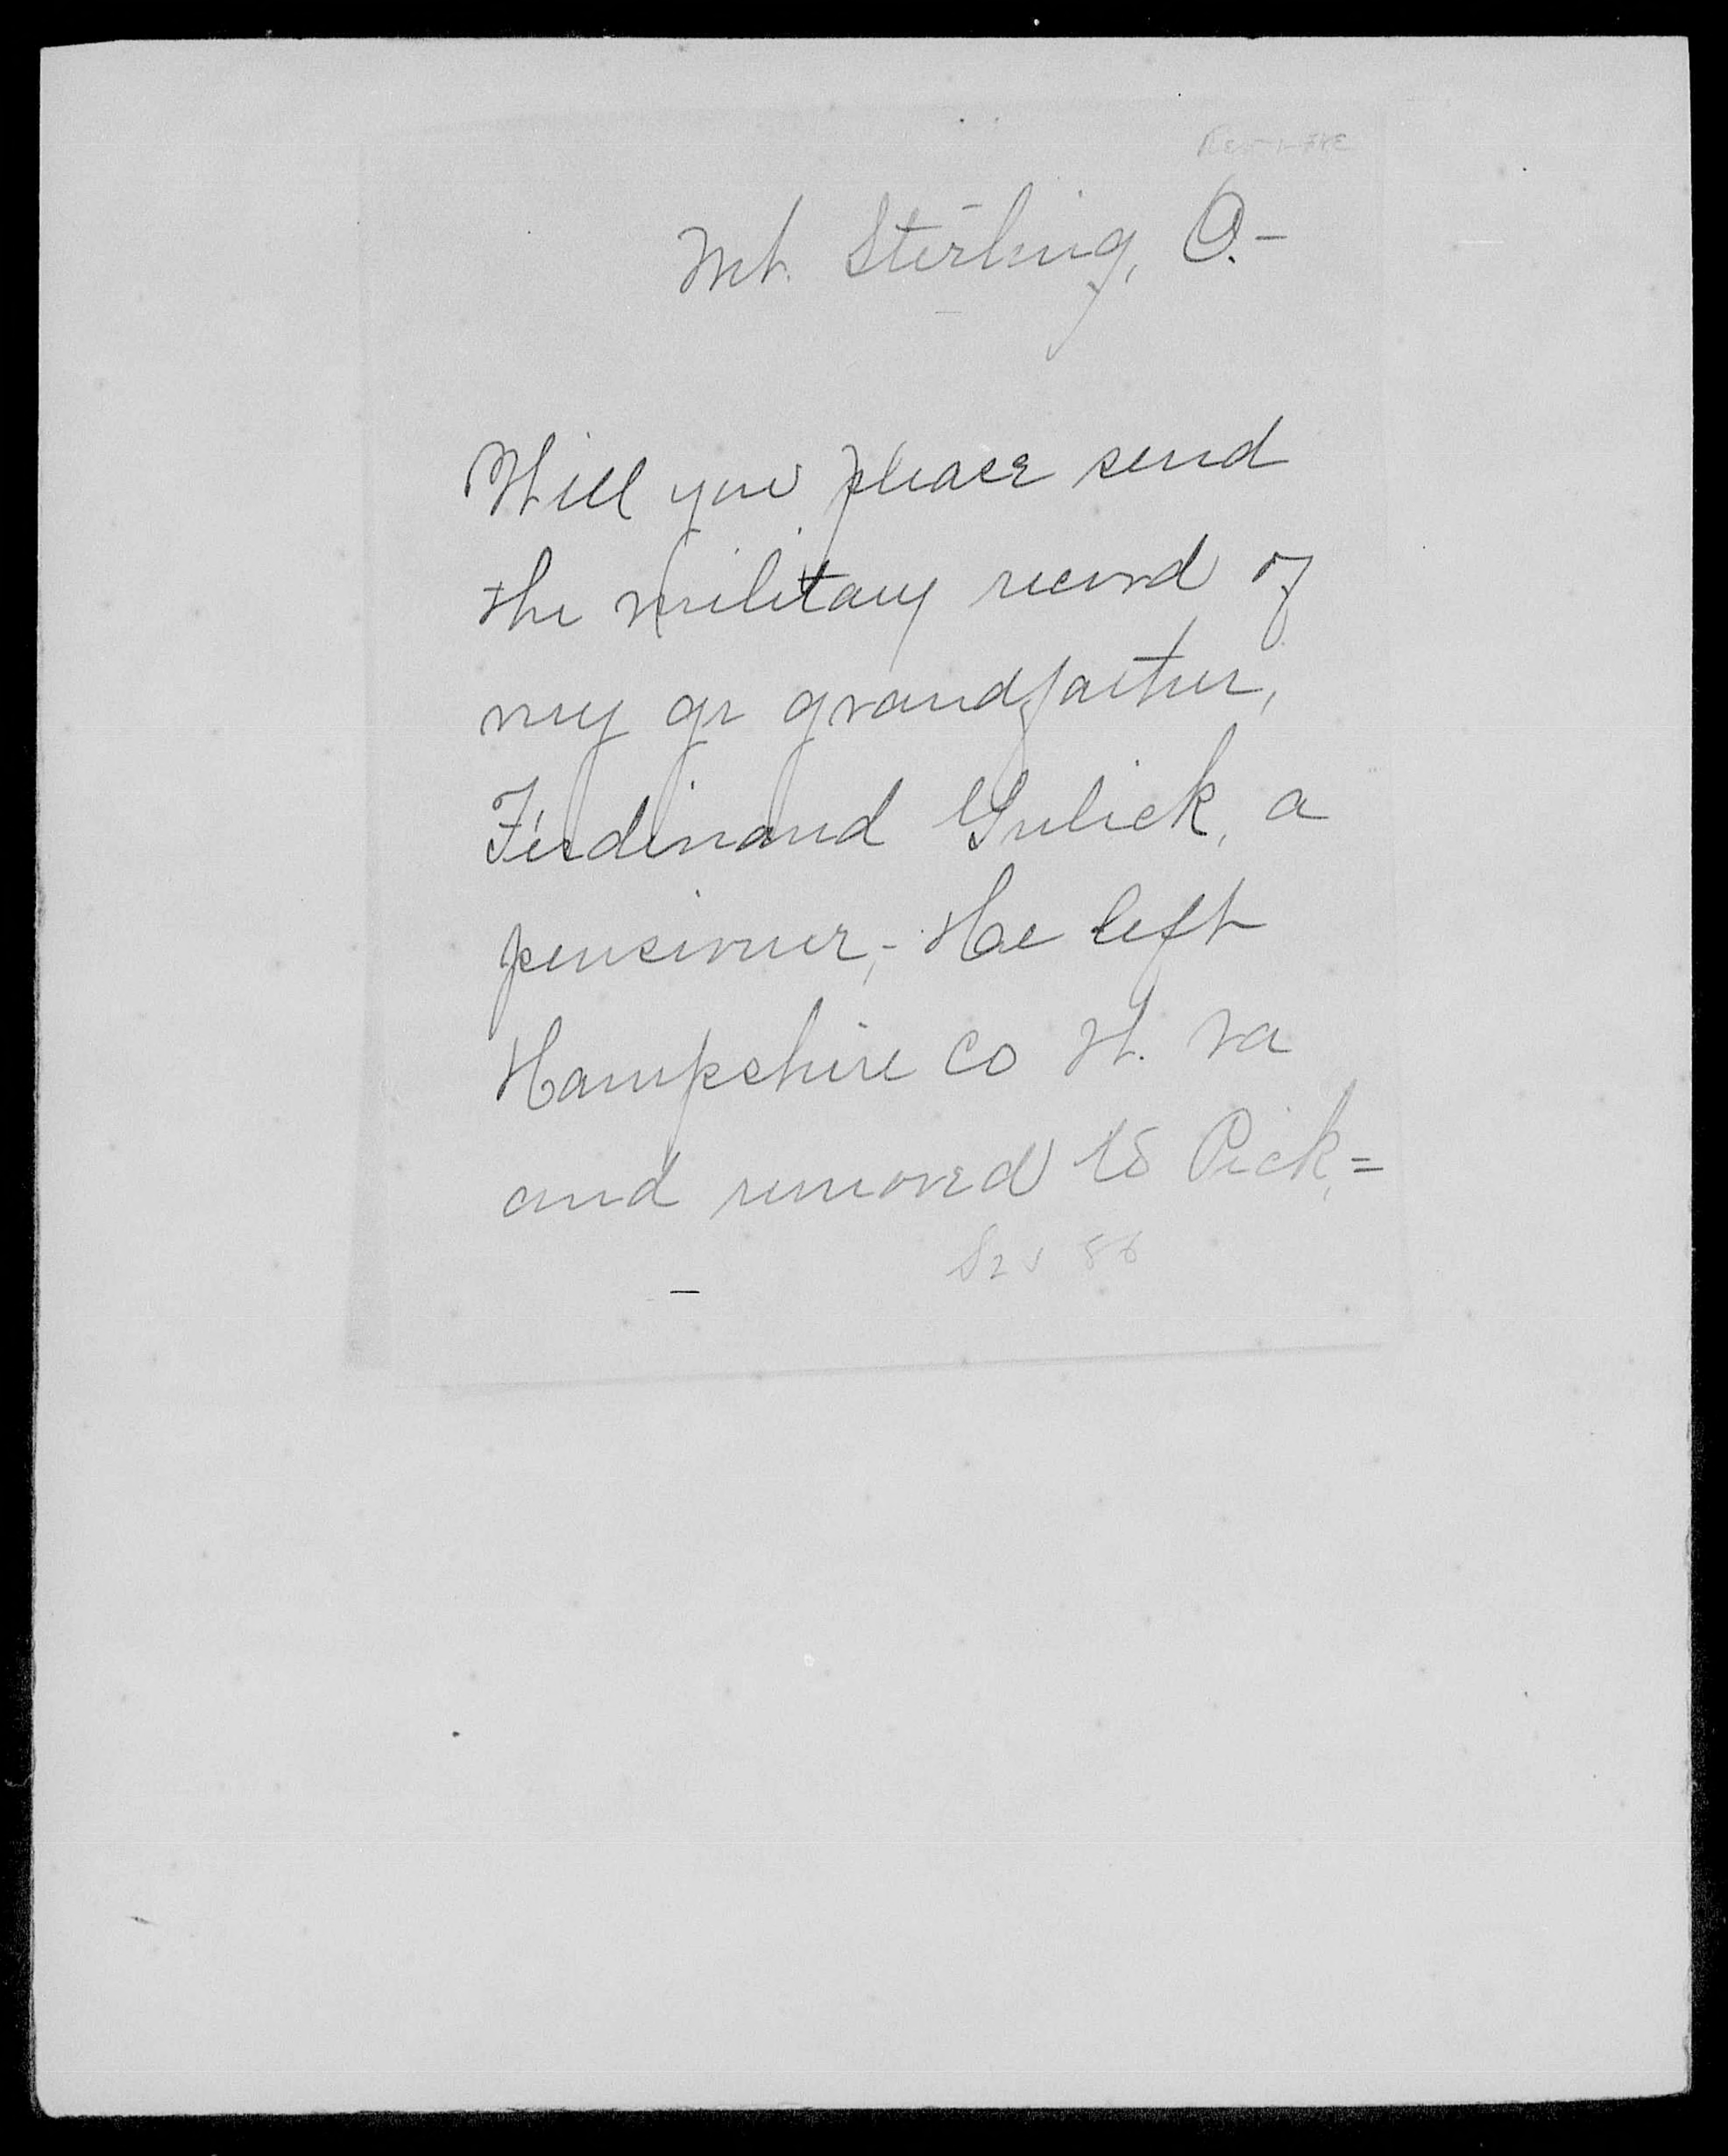Mt Sterling O-

Will you please send the military record of my gr grandfather, Firdinand Gulick, a pensioner. He left Hampshire Co in Va and removed to Pick =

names: Ferdinand Gulick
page: 17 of 21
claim: survivor's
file: S. 2586, Ferdinand Gulick, New Jersey Va.